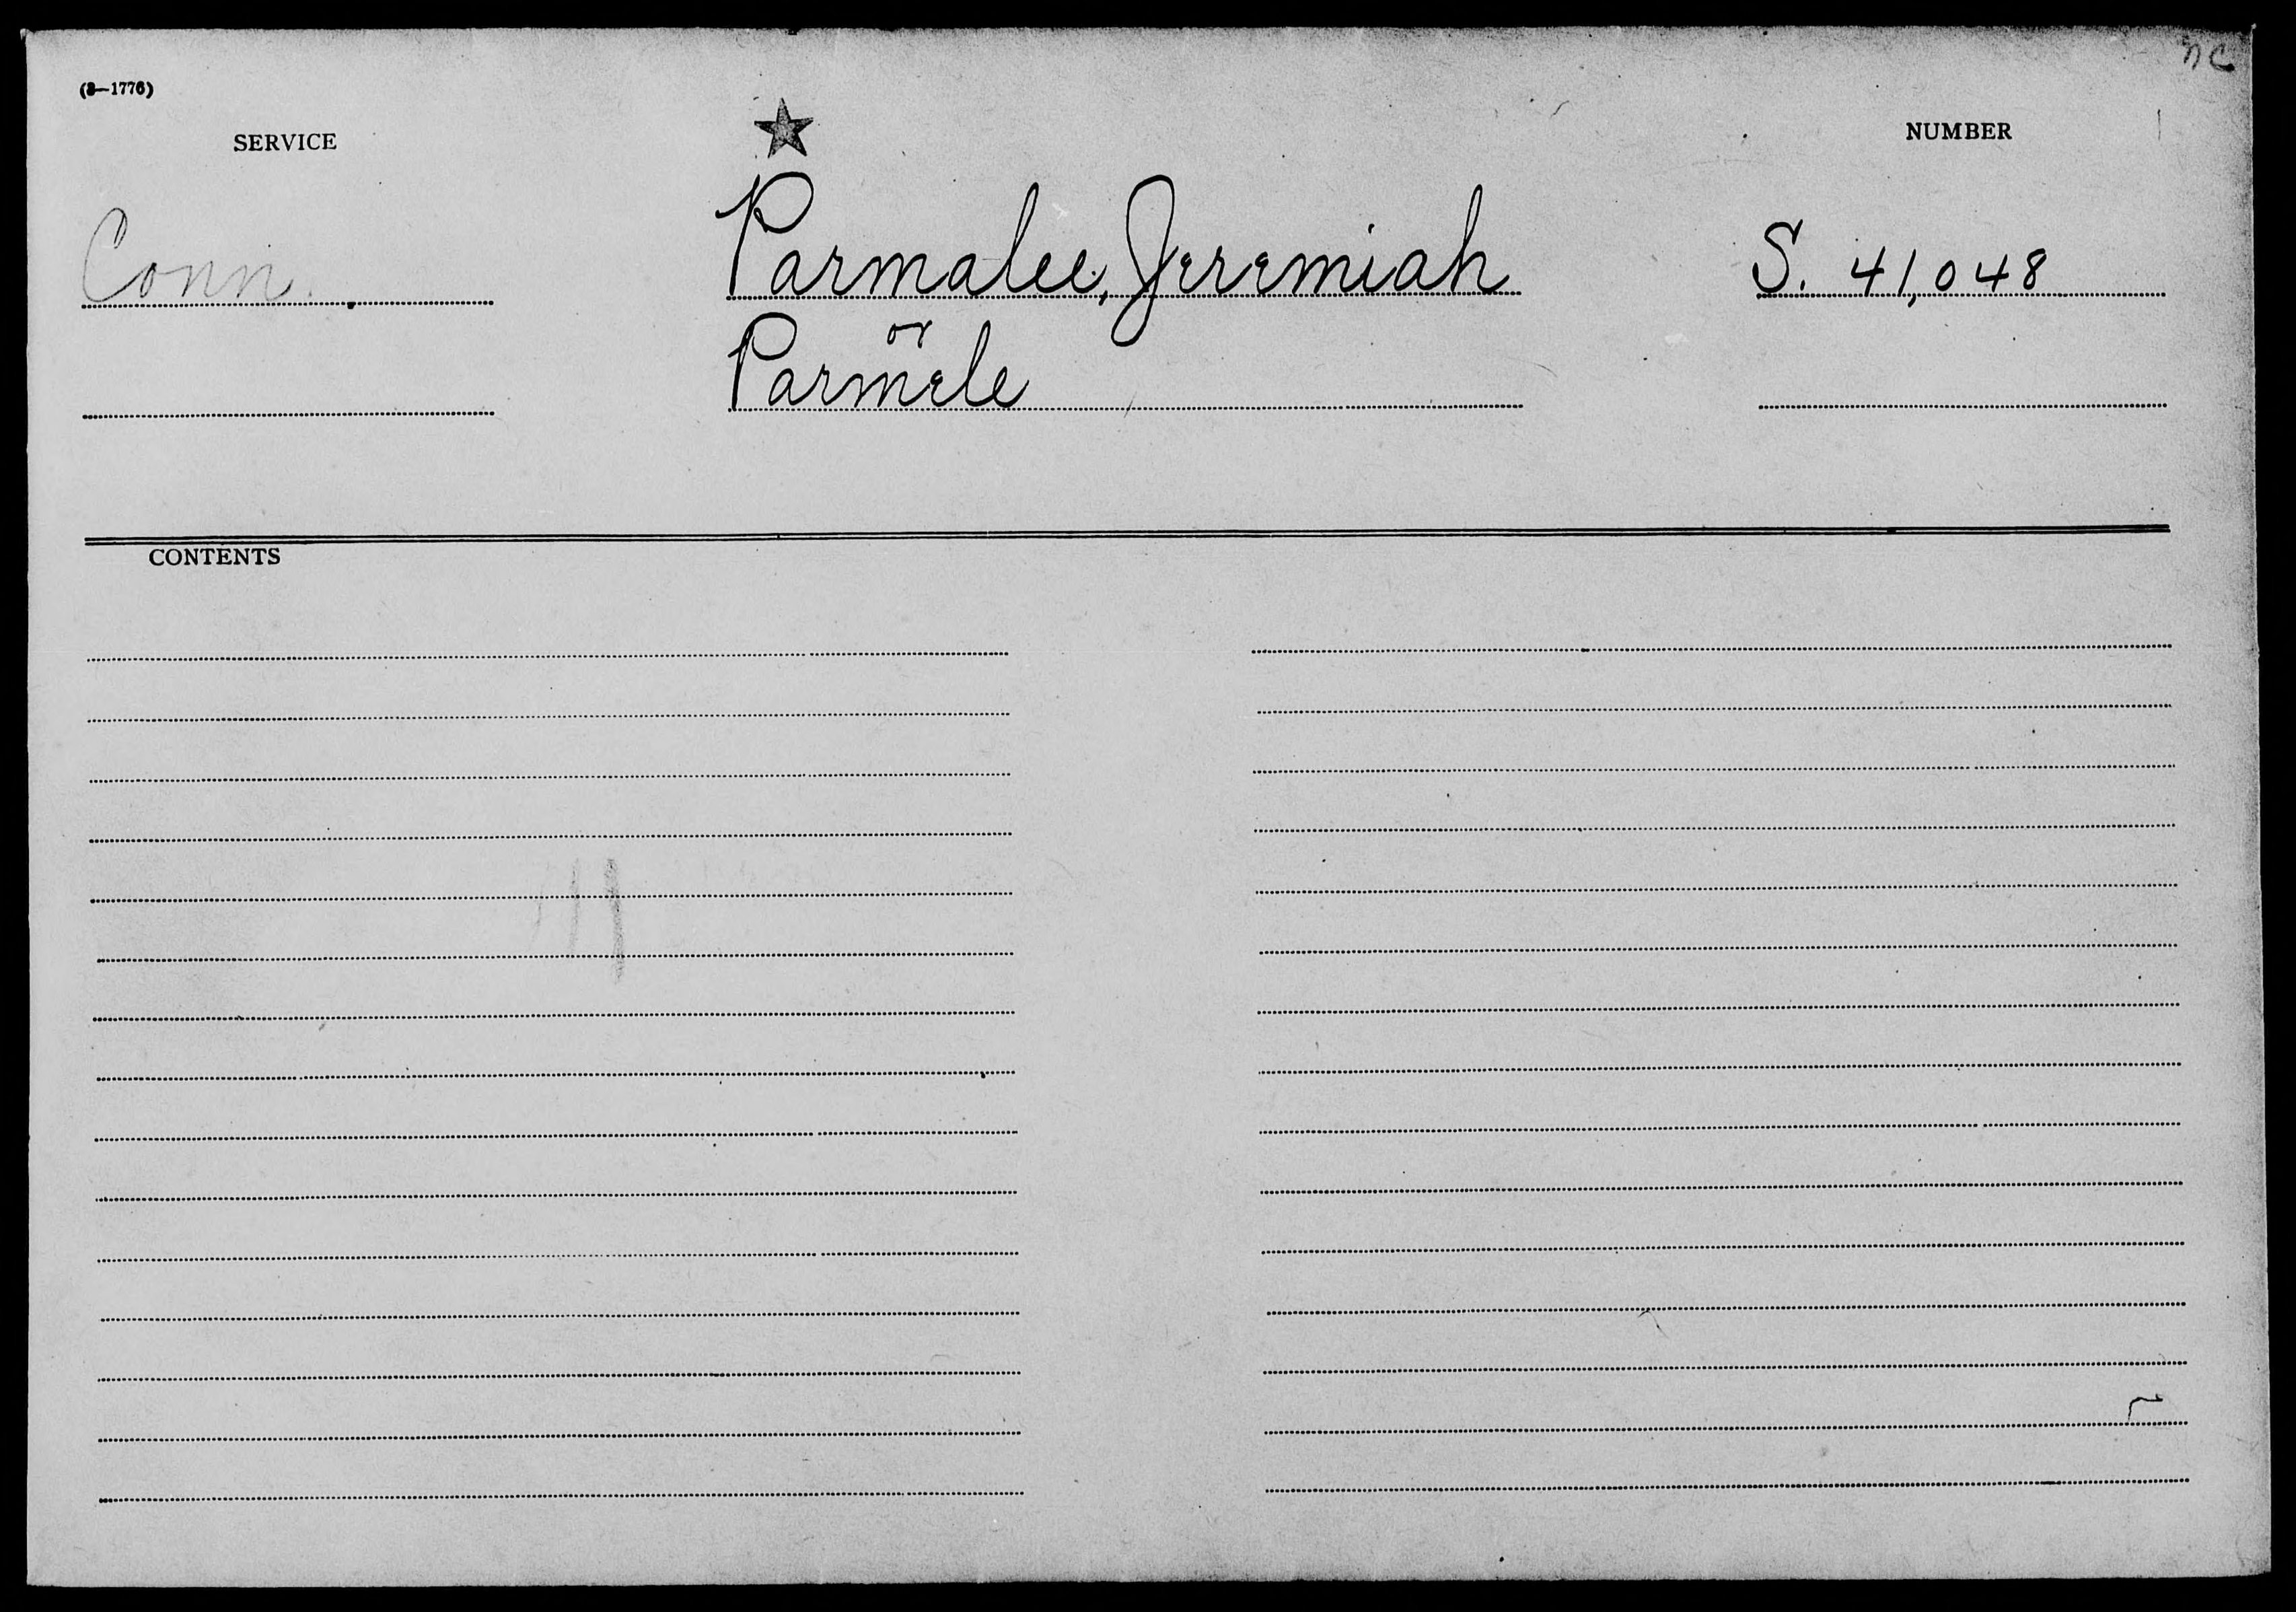Service        Number

Conn.     Parmalee, Jerimiah S.
                         Or
               Parmele

Contents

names: Jeremiah Parmele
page: 1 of 11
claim: survivor's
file: S. 41,048, for Jeremiah Parmalee, Connecticut